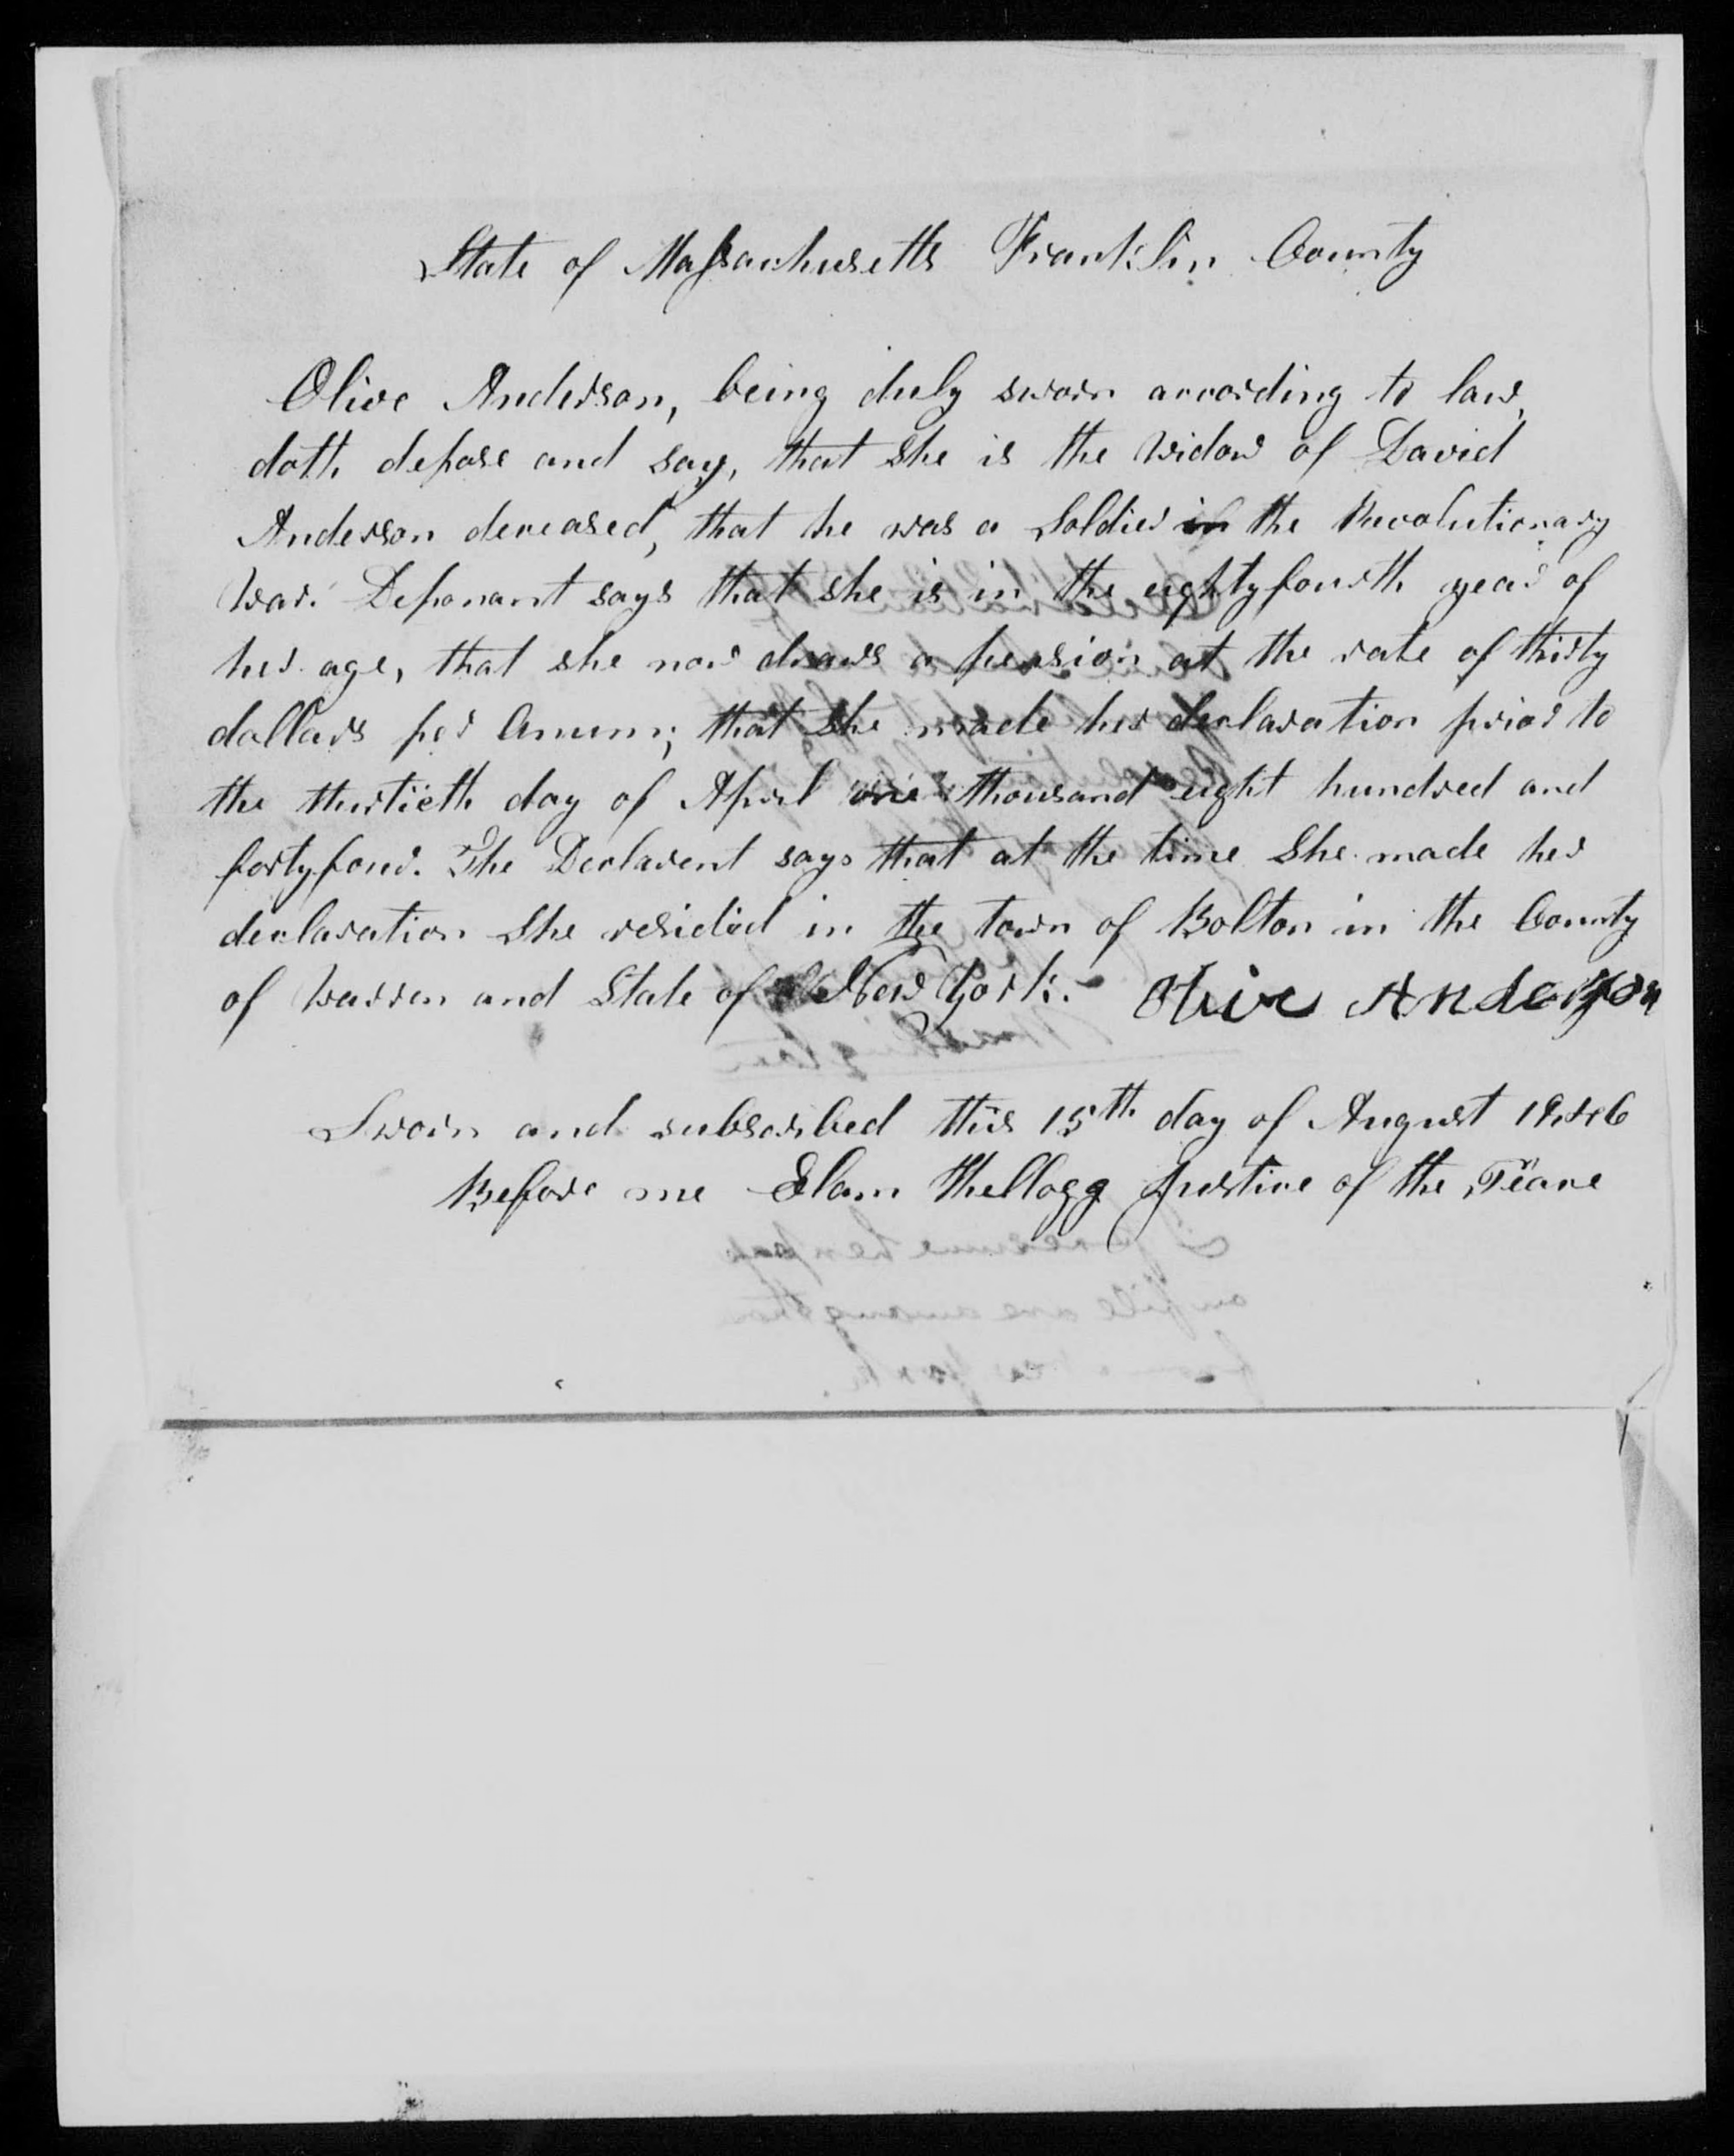State of Massachusetts Franklin County
Olive Anderson, being duly sworn according to law
doth depose and say, that she is the widow of David
Anderson deceased, that he was a soldier in the Revolutionary 
War. Deponant says that she is in the eighty fourth year of
her age, that she now [illegible] a pension at the rate of thirty
dollars per annum; that she made her declaration prior to
the thirtieth day of April one thousand eight hundred and
forty four. The Declarant says that at the time she made her
declaration she resided
in the town of Bolton in the County
of Warren and State of New York.
Olive Anderson [signature]
Sworn and subscribed this 15th day of August 1846
Before me Elam Kellogg Justice of the Peace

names: Olive Anderson, David Anderson, Olive Anderson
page: 31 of 39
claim: widow's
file: W. 20624, David Anderson, Mass